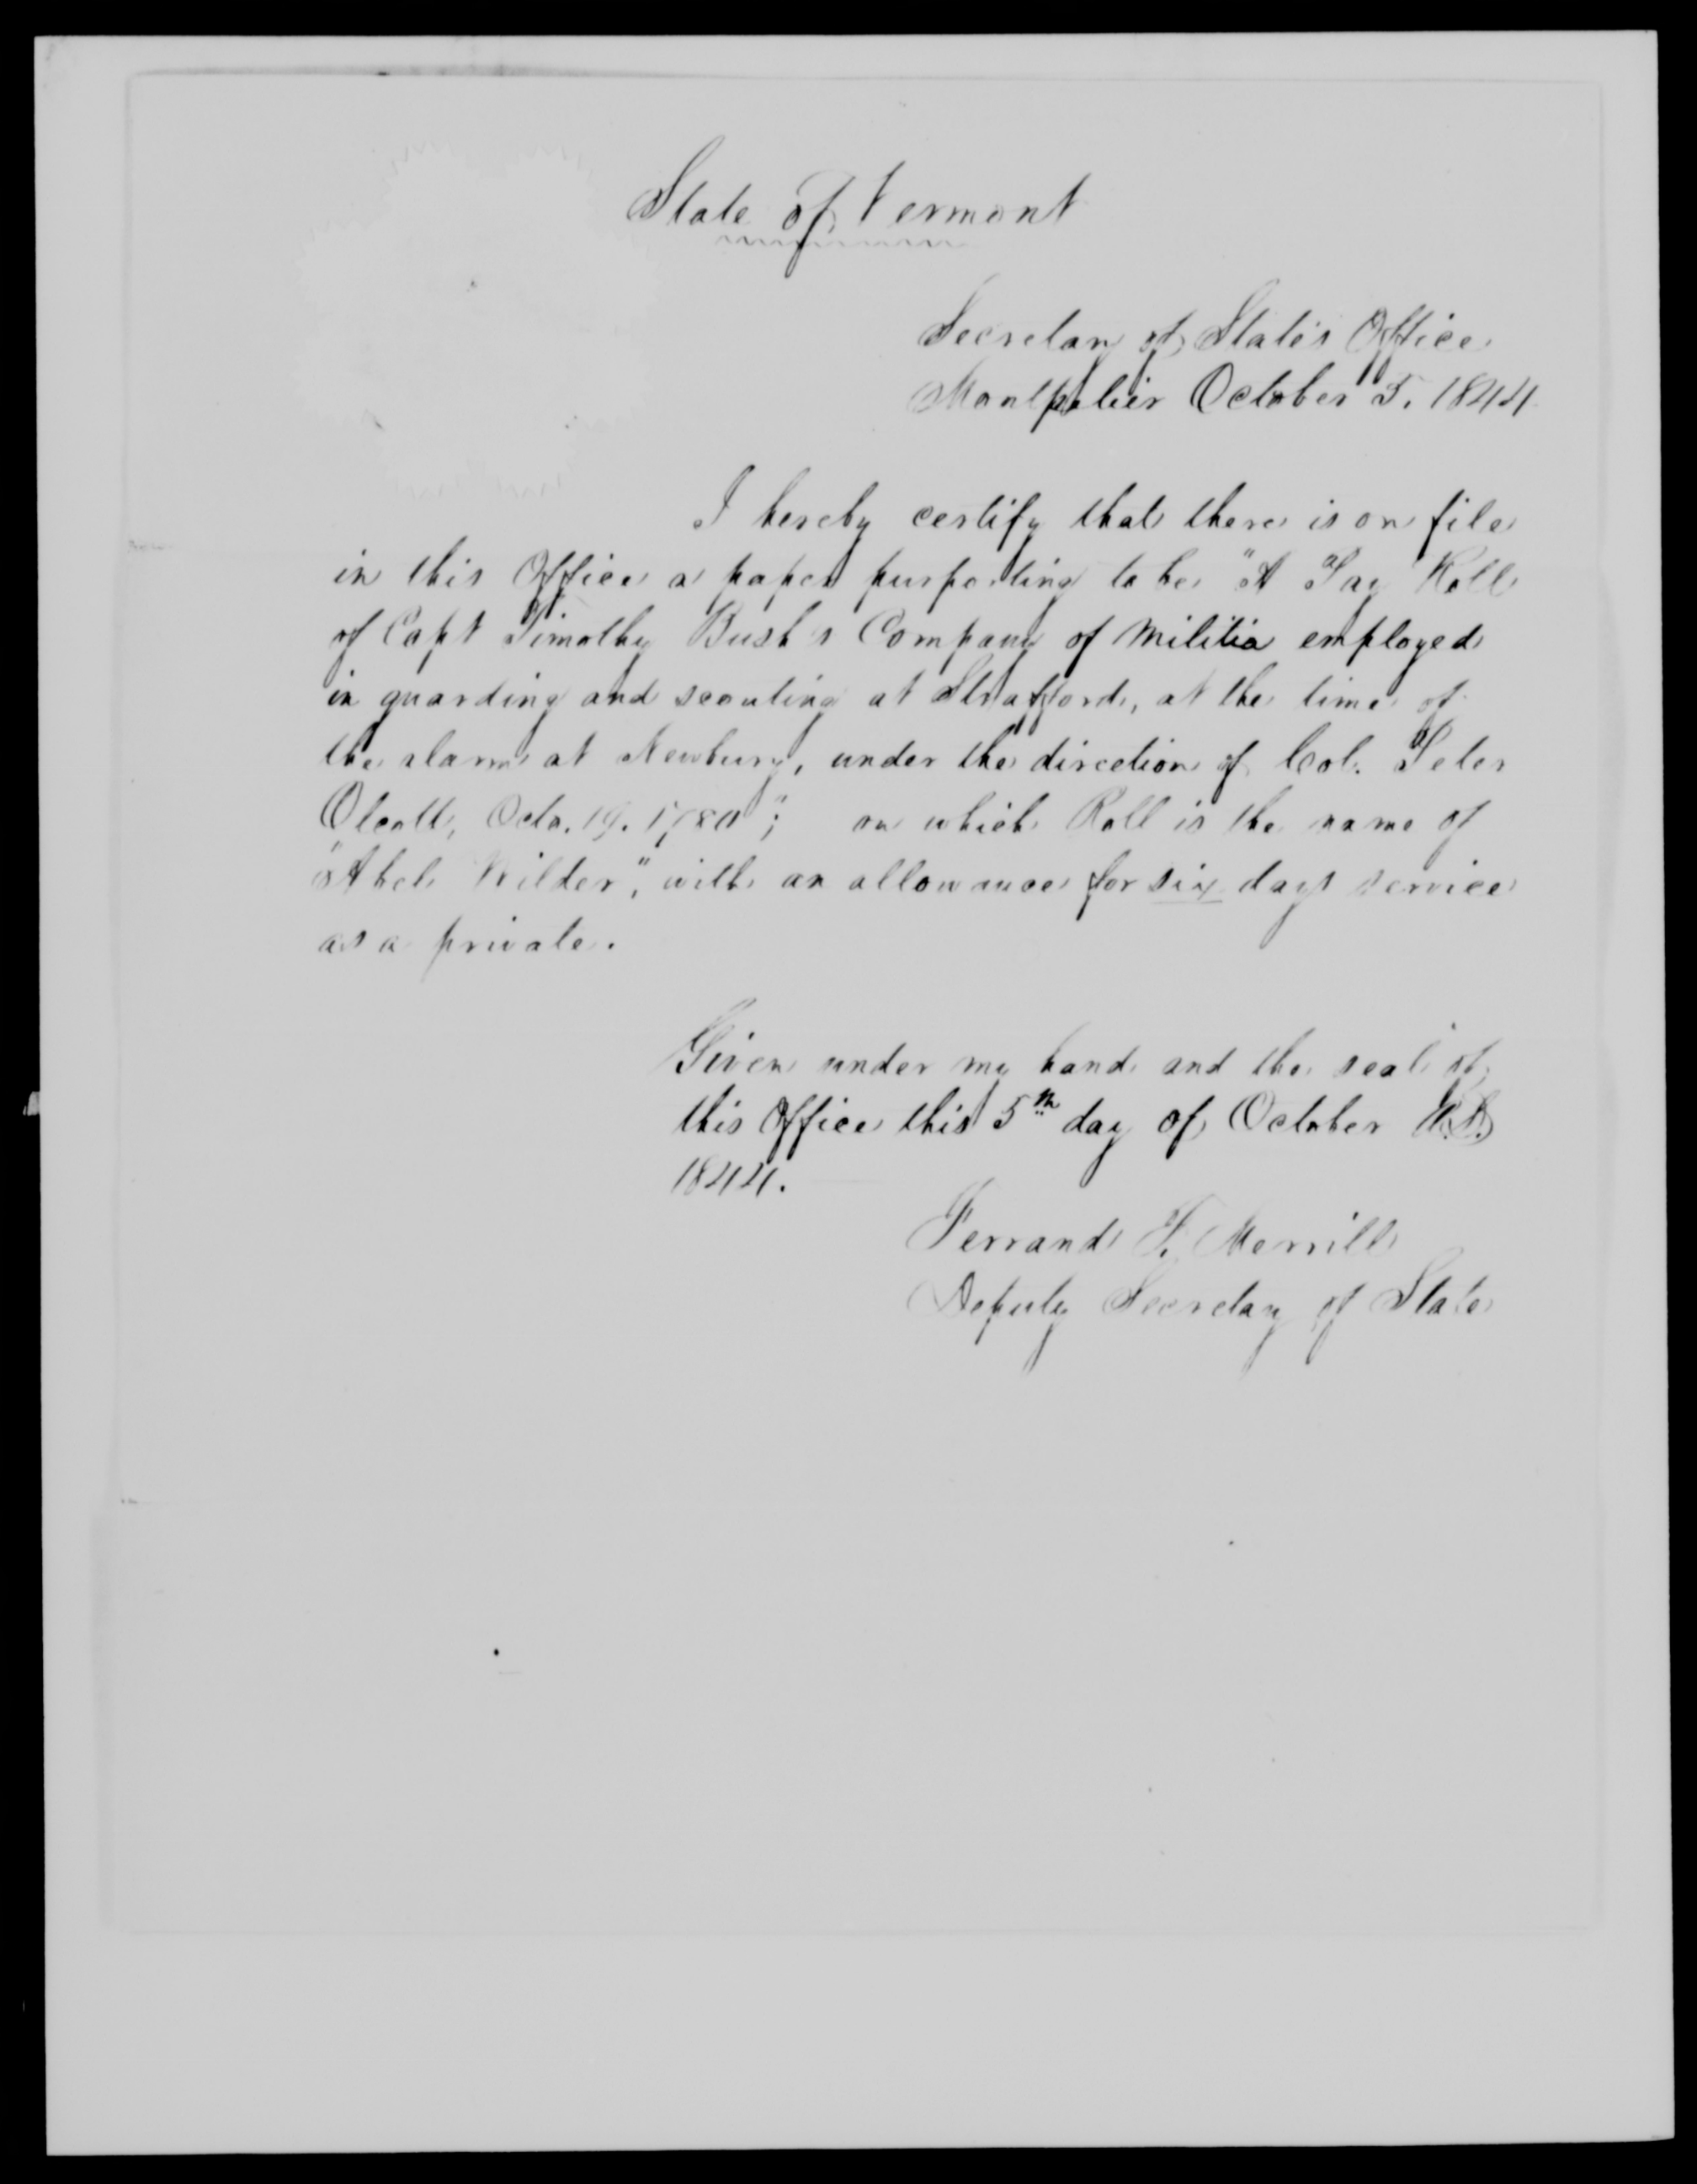State of Vermont
Secretary of State’s Office
Montpelier October 5, 1844

I hereby certify that there is on file in this office a paper purporting to be “A Pay Roll of Cast Timothy Bush’s Company of Militia employed in guarding and scouting at Stratford, at the time of the alarm at Newbury, under the direction of Col. Peter Oleott, Oct. 19, 1780”; in which Roll is the name of “Abel Wilder,” with an allowance for six days service as a private. 
Given under my hand and the seal of this Office this 5th day of October A.D. 1844
Ferrand F Merrill
Deputy Secretary of State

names: Peter Olcott, Ferrand F Merrill, Abel Wilder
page: 24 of 40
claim: widow's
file: W. 18,426, Abel Wilder, Mass. N.H. Vt.